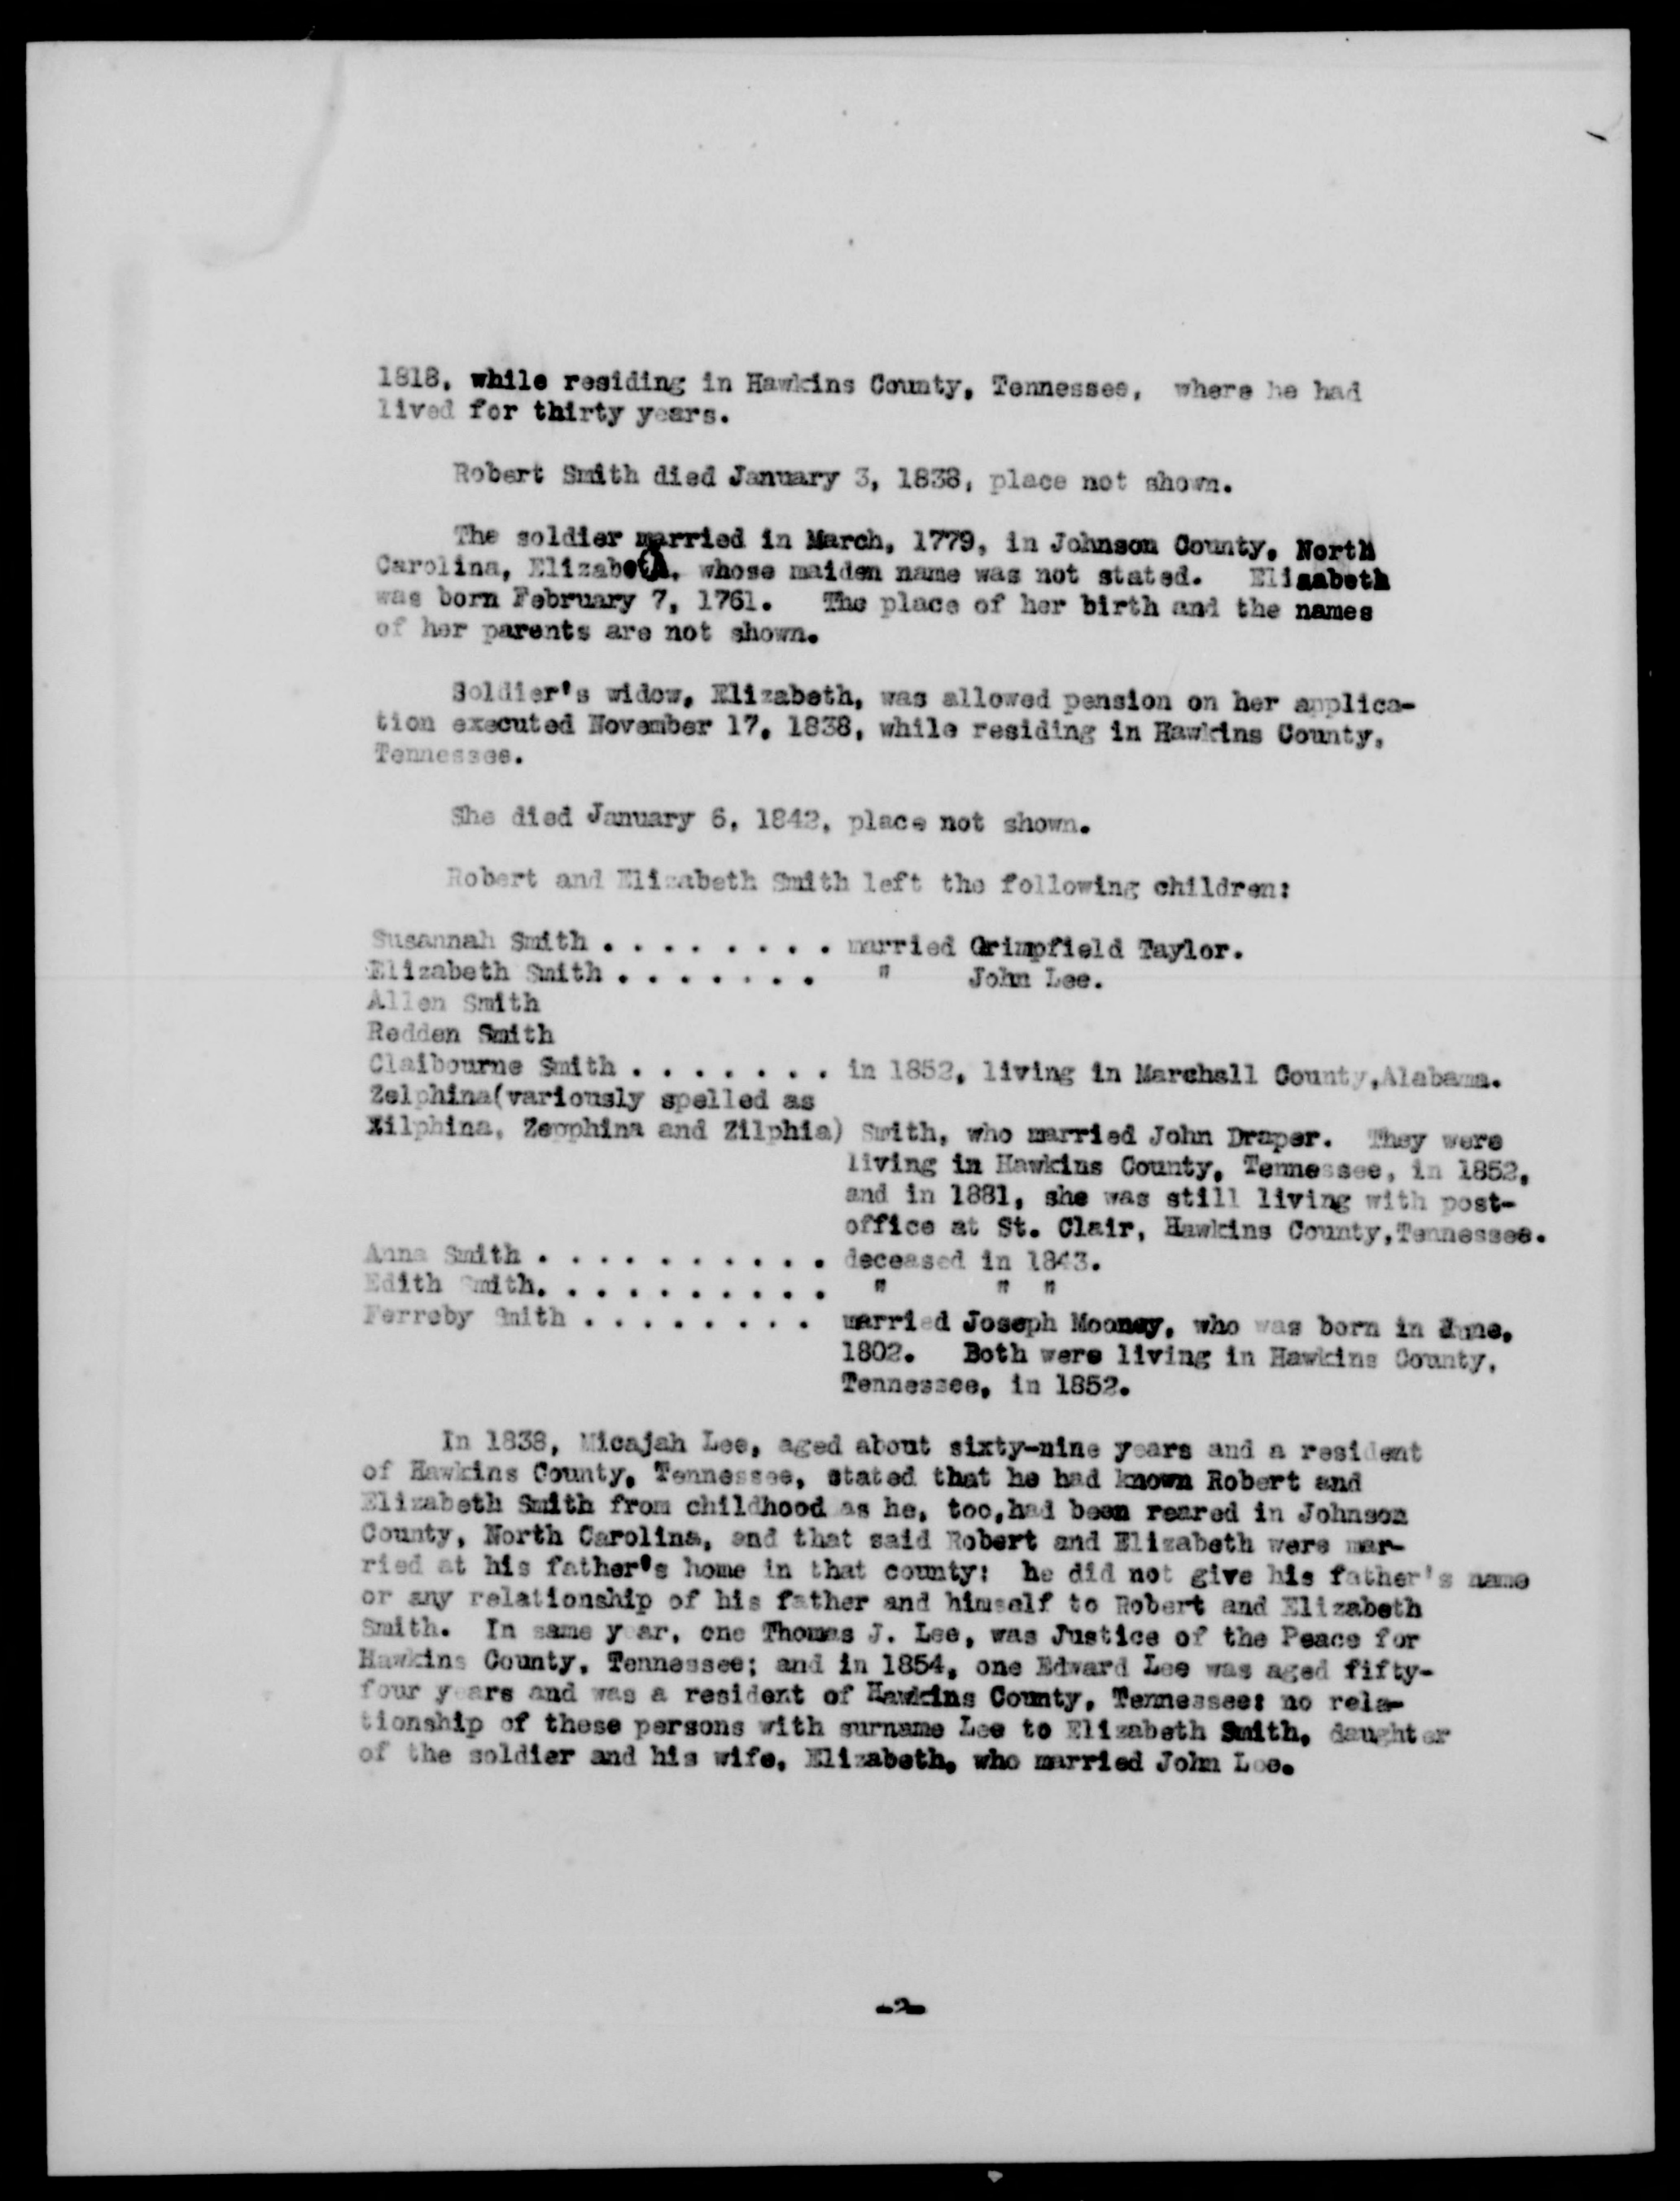1818, while residing in Hawkins County, Tennessee, where he had
lived for thirty years.

Robert Smith died January 3, 1838, place not shown.

The soldier married in March, 1779, in Johnson County, North Carolina, Elizabeth, whose maiden name was not stated. Elizabeth
was born February 7, 1761. The place of her birth and the names
of her parents are not shown.

Soldier's widow, Elizabeth, was allowed pension on her applica- 
tion executed November 17, 1838, while residing in Hawkins County,
Tennessee.

She died January 6, 1842, place not shown.

Robert and Elizabeth Smith left the following children:

Susannah Smith ... married Grimpfield Taylor.

Elizabeth Smith ...           "       John Lee.

Allen Smith

Redden Smith

Claibourne Smith ...  in 1852, living in Marchall County, Alabama.
Zelphina (variously spelled as
Xilphina, Zepphina and Zilphia) Smith, who married John Draper. They were
living in Hawkins County, Tennessee, in 1852,
and in 1881, she was still living with post-
office at St. Clair, Hawkins County, Tennessee.

Anna Smith ... deceased in 1843.
Edith Smith  ...         "           "      "   
Ferreby Smith ... married Joseph Mooney, who was born in June,
1802. Both were living in Hawkins County,
Tennessee, in 1852.

In 1838, Micajah Lee, aged about sixty-nine years and a resident
of Hawkins County, Tennessee, stated that he had known Robert and
Elizabeth Smith from childhood as he, too, had been reared in Johnson
County, North Carolina, and that said Robert and Elizabeth were mar- 
ried at his father's home in that county; he did not give his father's name
or any relationship of his father and himself to Robert and Elizabeth
Smith. In same year one Thomas J. Lee, was Justice of the Peace for
Hawkins County, Tennessee; and in 1854, one Edward Lee was aged fifty-
four years and was a resident of Hawkins County, Tennessee: no relationship
of these persons with surname Lee to Elizabeth Smith, daughter
of the soldier and his wife, Elizabeth, who married John Lee.
-2-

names: Robert Smith; Elizabeth [BLANK]; Thomas J Lee; Edith Smith; Elizabeth [BLANK]; Elizabeth Smith; Anna Smith; Grimpfield Taylor; Joseph Mooney; Claibourne Smith; Ferreby Smith; Elizabeth [BLANK]; John Draper; Elizabeth [BLANK]; Elizabeth Smith; Elizabeth Smith; Elizabeth Smith; John Lee; Zepphina [BLANK]; Zelphina [BLANK]; Robert Smith; Elizabeth Smith; Redden Smith; Allen Smith; [BLANK] Smith; Edward Lee; Robert [BLANK]; John Lee; Zilphia [BLANK]; Robert [BLANK]; Zilphina [BLANK]; Susannah Smith; Robert [BLANK]; Elizabeth [BLANK]; Micajah Lee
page: 34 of 79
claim: widow's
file: W. 1504, for Robert Smith, North Carolina